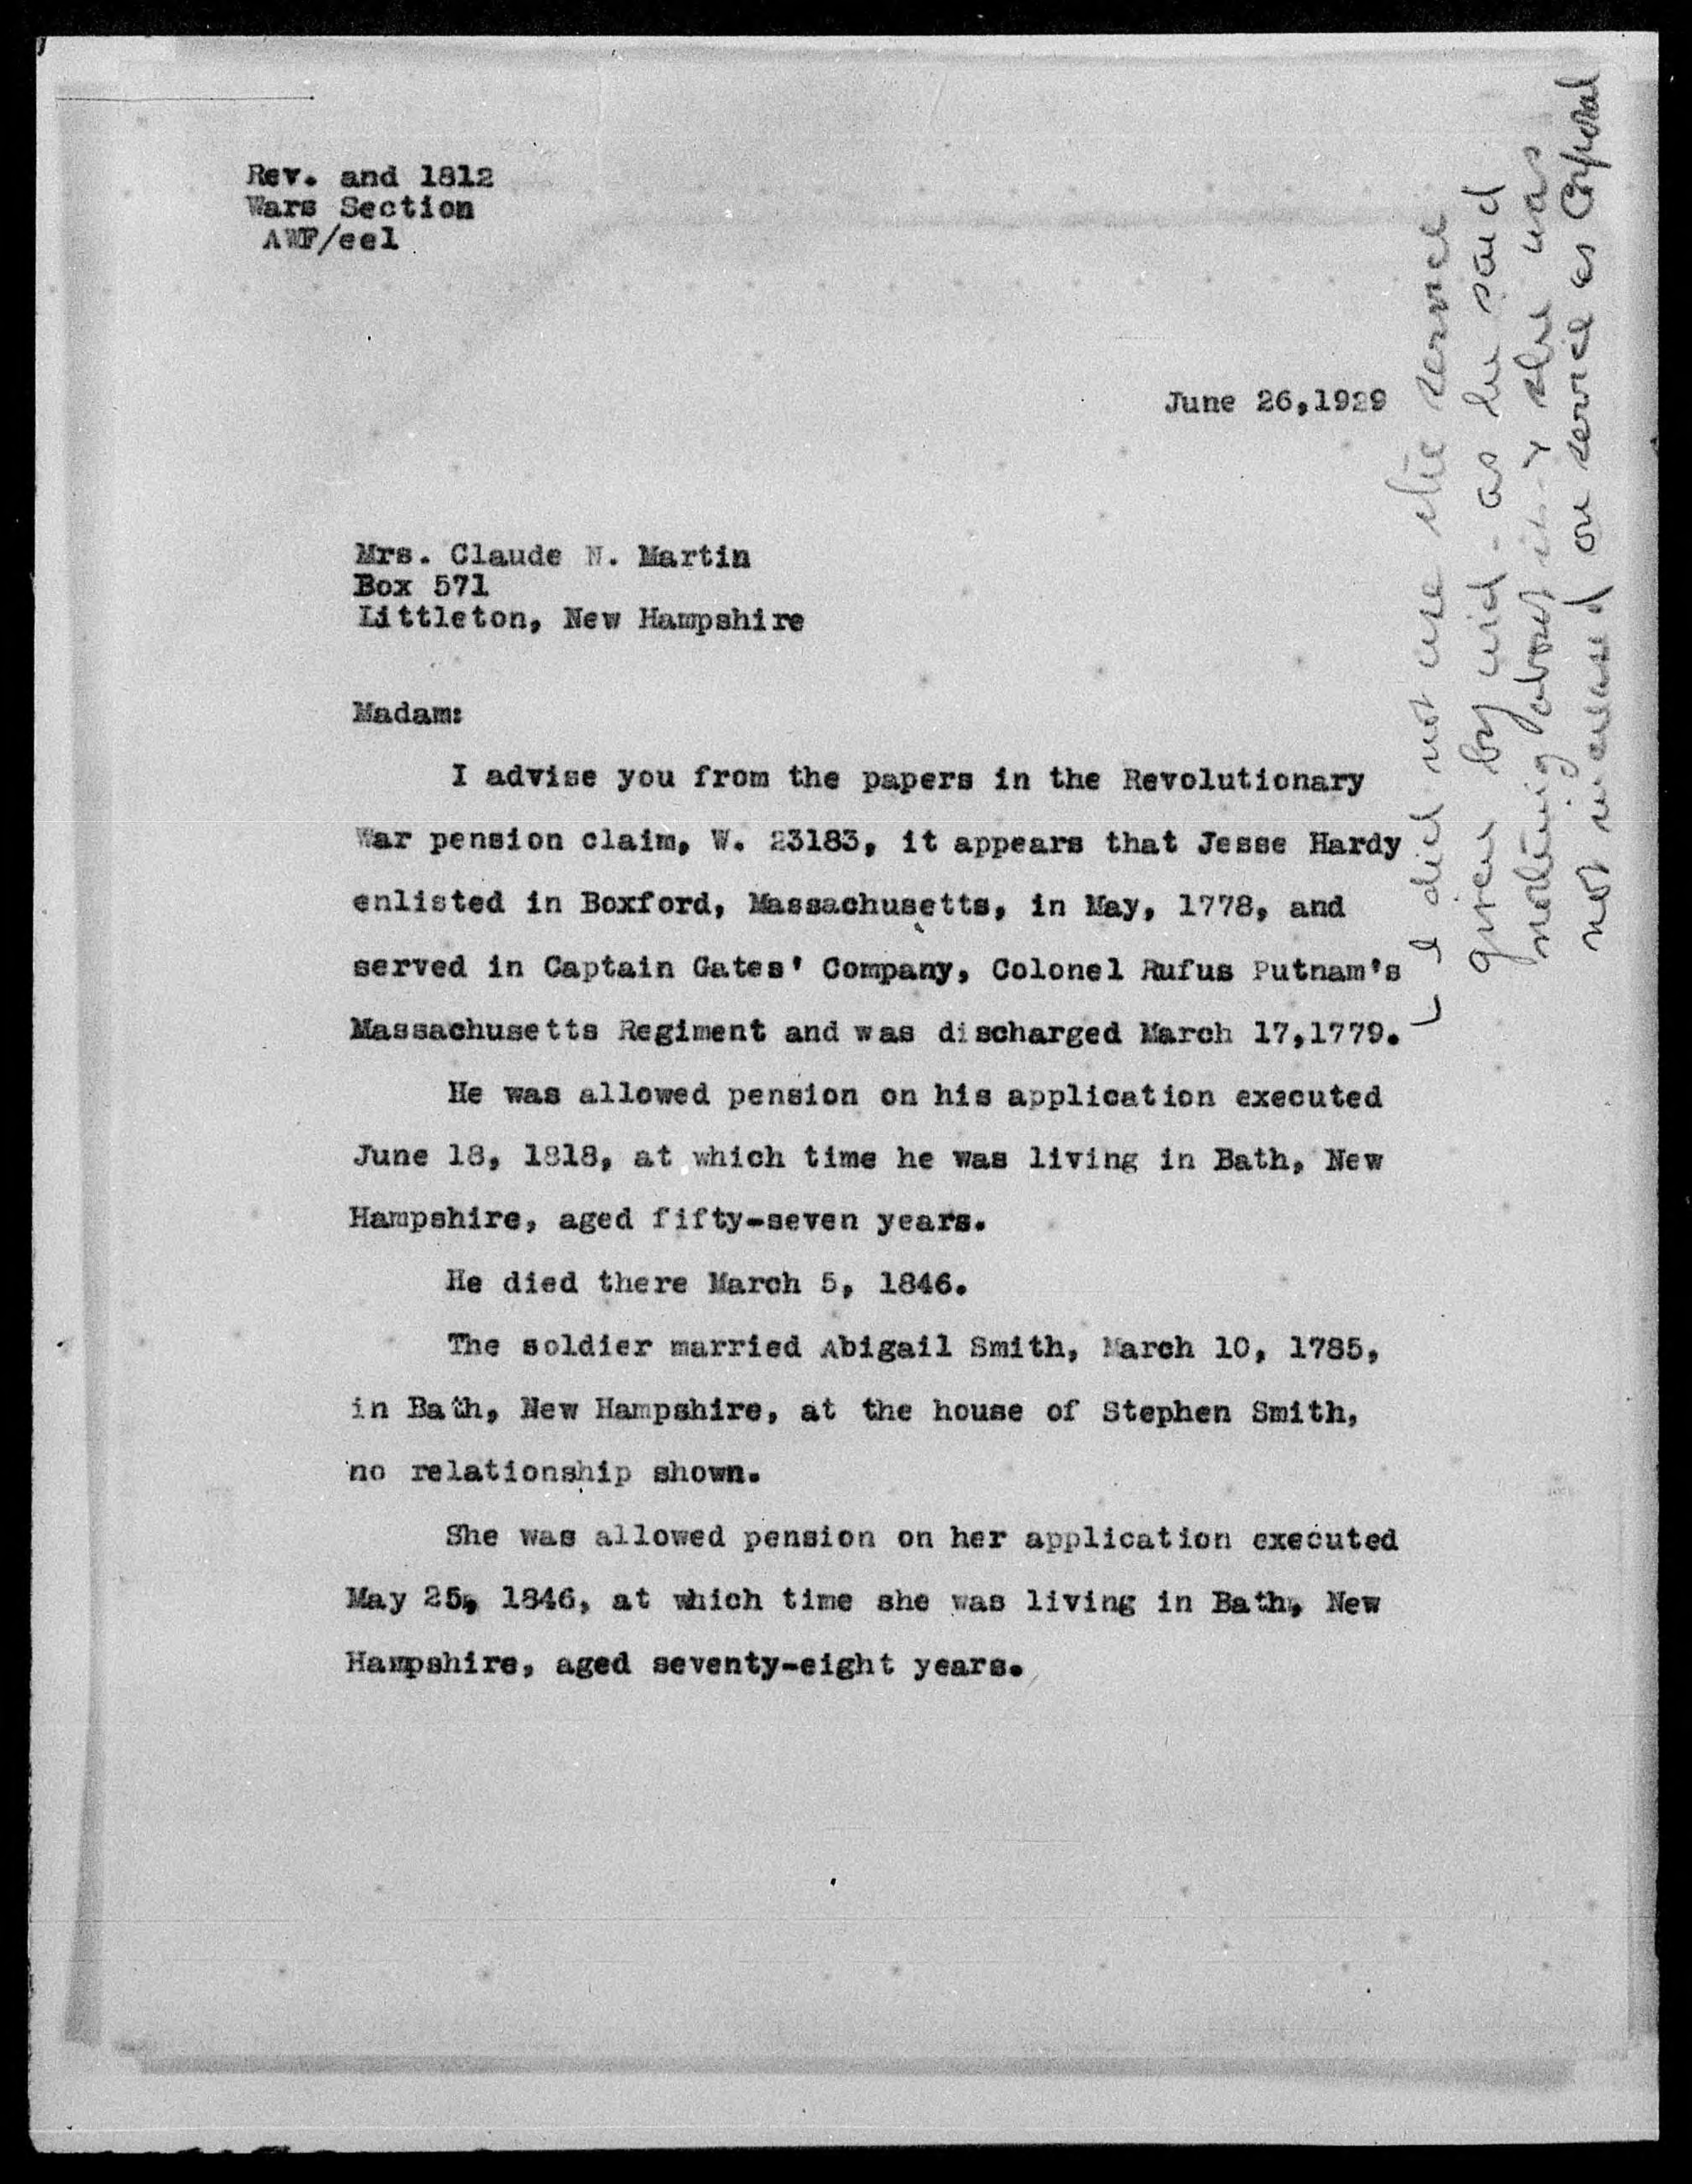Rev. and 1812 Wars Section AWF/eel 
June 26, 1929
Mrs. Claude N. Martin Box 571 Littleton, New Hampshire 
Madam: I advise you from the papers in the Revolutionary War pension claim, W. 23183, it appears that Jesse Hardy enlisted in Boxford, Massachusetts, in May, 1778, and served in Captain Gates' Company, Colonel Rufus Putnam's Massachusetts Regiment and was discharged March 17, 1779. [inserted sideways on right, handwritten: I did not use the service given by wid as he said nothing about it & she was not increased on service as Corporal]
He was allowed pension on his application executed June 18, 1818, at which time he was living in Bath, New Hampshire, aged fifty-seven years. 
He died there March 5, 1846. 
The soldier married Abigail Smith, March 10, 1785, in Bath, New Hampshire, at the house of Stephen Smith, no relationship shown. She was allowed pension on her application executed May 25, 1846, at which time she was living in Bath, New Hampshire, aged seventy-eight years.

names: Stephen Smith, Abigail Smith, Claude N Martin, Jesse Hardy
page: 18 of 67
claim: widow's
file: W. 23183, Jesse Hardy, Mass.